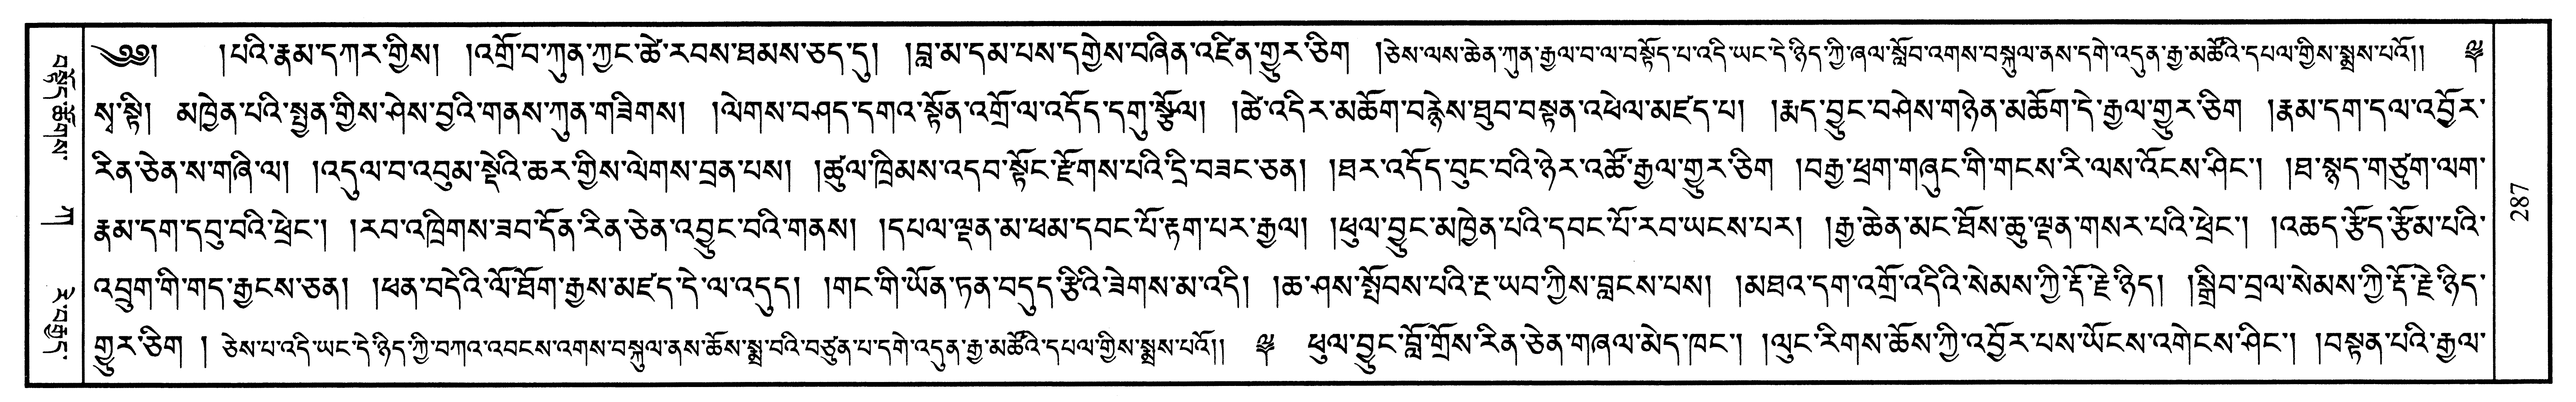༄༅། །པའི་རྣམ་དཀར་གྱིས། །འགྲོ་བ་ཀུན་ཀྱང་ཚེ་རབས་ཐམས་ཅད་དུ། །བླ་མ་དམ་པས་དགྱེས་བཞིན་འཛིན་གྱུར་ཅིག །ཅེས་ལས་ཆེན་ཀུན་རྒྱལ་བ་ལ་བསྟོད་པ་འདི་ཡང་དེ་ཉིད་ཀྱི་ཞལ་སློབ་འགས་བསྐུལ་ནས་དགེ་འདུན་རྒྱ་མཚོའི་དཔལ་གྱིས་སྨྲས་པའོ།། ༈
སྭ་སྟི། མཁྱེན་པའི་སྤྱན་གྱིས་ཤེས་བྱའི་གནས་ཀུན་གཟིགས། །ལེགས་བཤད་དགའ་སྟོན་འགྲོ་ལ་འདོད་དགུ་སྩོལ། །ཚེ་འདིར་མཆོག་བརྙེས་ཐུབ་བསྟན་འཕེལ་མཛད་པ། །རྨད་བྱུང་བཤེས་གཉེན་མཆོག་དེ་རྒྱལ་གྱུར་ཅིག །རྣམ་དག་དལ་འབྱོར་
རིན་ཅེན་ས་གཞི་ལ། །འདུལ་བ་འབུམ་སྡེའི་ཆར་གྱིས་ལེགས་བྲན་པས། །ཚུལ་ཁྲིམས་འདབ་སྟོང་རྫོགས་པའི་དྲི་བཟང་ཅན། །ཐར་འདོད་བུང་བའི་ཉེར་འཚོ་རྒྱལ་གྱུར་ཅིག །བརྒྱ་ཕྲག་གཞུང་གི་གངས་རི་ལས་འོངས་ཤིང་། །ཐ་སྙད་གཙུག་ལག་
རྣམ་དག་དབུ་བའི་ཕྲེང་། །རབ་འཁྲིགས་ཟབ་དོན་རིན་ཅེན་འབྱུང་བའི་གནས། །དཔལ་ལྡན་མ་ཕམ་དབང་པོ་རྟག་པར་རྒྱལ། །ཕུལ་བྱུང་མཁྱེན་པའི་དབང་པོ་རབ་ཡངས་པར། །རྒྱ་ཆེན་མང་ཐོས་ཆུ་ལྡན་གསར་པའི་ཕྲེང་། །འཆད་རྩོད་རྩོམ་པའི་
འབྲུག་གི་གད་རྒྱངས་ཅན། །ཕན་བདེའི་ལོ་ཐོག་རྒྱས་མཛད་དེ་ལ་འདུད། །གང་གི་ཡོན་ཏན་བདུད་རྩིའི་ཟེགས་མ་འདི། །ཆ་ཤས་སྤོབས་པའི་རྔ་ཡབ་ཀྱིས་བླངས་པས། །མཐའ་དག་འགྲོ་འདིའི་སེམས་ཀྱི་རྡོ་རྗེ་ཉིད། །སྒྲིབ་བྲལ་སེམས་ཀྱི་རྡོ་རྗེ་ཉིད་
གྱུར་ཅིག །ཅེས་པ་འདི་ཡང་དེ་ཉིད་ཀྱི་བཀའ་འབངས་འགས་བསྐུལ་ནས་ཆོས་སྨྲ་བའི་བཙུན་པ་དགེ་འདུན་རྒྱ་མཚོའི་དཔལ་གྱིས་སྨྲས་པའོ།། ༈ ཕུལ་བྱུང་བློ་གྲོས་རིན་ཅེན་གཞལ་མེད་ཁང་། །ལུང་རིགས་ཆོས་ཀྱི་འབྱོར་པས་ཡོངས་འགེངས་ཤིང་། །བསྟན་པའི་རྒྱལ་